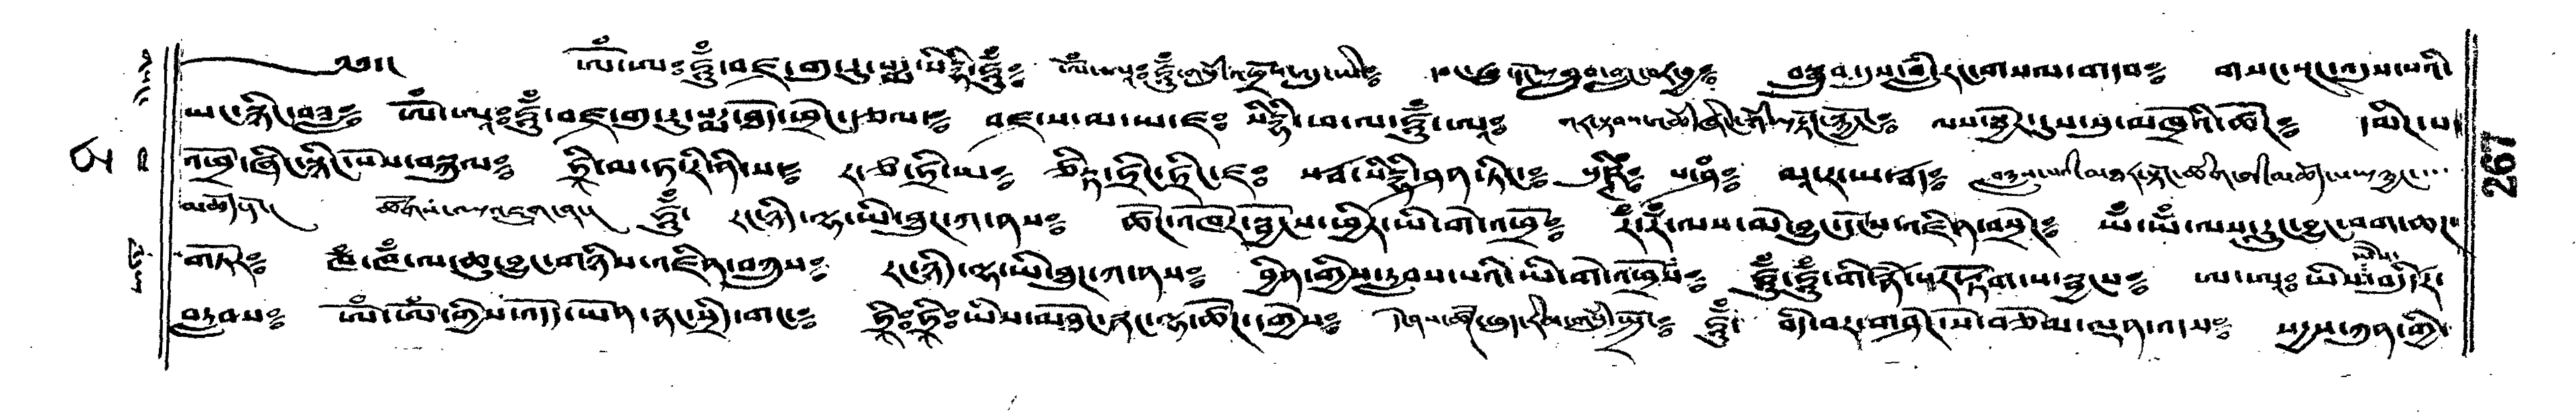ཨོཾ་ཨཱཿཧཱུྃ་བཛྲ་གུ་རུ་པདྨ་སིདྡྷི་ཧཱུྃ༔ཨོཾ་ཨཱཿཧཱུྃ་གསུམ་འཕྲོ་འདུ་ཡི། །དབང་ཞུ་དངོས་གྲུབ་བླང་བར་བྱ། །སྒྲུབ་དུས་བླ་མ་རང་གསལ་གདབ། །གསང་སྔགས་འདུས་པའི་
ཡང་སྙིང་བཟླ། ཨོཾ་ཨཱཿཧཱུྃ་བཛྲ་གུ་རུ་པདྨ་ཐོད་ཕྲེང་རྩལ༔ བཛྲ་ས་མ་ཡ་ཛཿ སི་དྡྷི་ཕ་ལ་ཧཱུྃ་ཨཱཿ གར་སྟབས་འཚམ་ཞིང་ཉམས་རྟོགས་སྐྱོང་། །ལས་སྦྱོར་དུས་སུ་མཁའ་འགྲོའི་ཚོགས། །དམིགས་པ་
འཕྲོ་ཞིང་སྙིང་པོས་བསྐུལ། ཧྲཱི་མ་ཧ་རི་ནི་ས༔ ར་ཙ་ཧྲི་ཡ༔ ཙིཏྟ་ཧྲིང་ཧྲིང་ཛཿ སརྦ་སིདྡྷི་ཤནྟིཾ༔ པུཥྚིཾ༔ པ་ཤཾ༔ མཱ་ར་ཡ་རྦད༔ བཟླས་པའི་མཐར་སྟོང་ཚིག་གི་མཆོད་པས་ཀྱང་
མཆོད་དོ། ཚོགས་ལ་འཇུག་ན། ཧཱུྃ༔ རང་ཉིད་ལྷ་ཡི་ཐུགས་ཀ་ནས༔ ཚོགས་འཁོར་སྦྱོང་ཕྱིར་ཡི་གེ་འཕྲོས༔ རྃ་རྃ་ལས་མེ་བྱུང་དངོས་འཛིན་བསྲེགས༔ ཡྃ་ཡྃ་ལས་རླུང་བྱུང་བག་ཆགས་
གཏོར༔ ཁྃ་ཁྃ་ལ་ཆུ་བྱུང་གཉིས་འཛིན་བཀྲུས༔ རང་ཉིད་ལྷ་ཡི་ཐུགས་ཀ་ནས༔ བྱིན་གྱིས་རླབས་པའི་ཡི་གེ་འཕྲོས༔ ཧཱུྃ་ཧཱུྃ་གིས་རྣམ་པར་རྟོག་པ་སྦྱངས༔ ཨ་ཨཱཿཡིས་ཡེ་ཤེས་བདུད་རྩིར་
བརླབས༔ ཨོཾ་ཨོཾ་གྱིས་འདོད་ཡོན་སྣང་སྲིད་གང༔ ཧྲཱིཿཧྲཱིཿཡིས་མཐོང་སྣང་ལྷ་ཚོགས་དགྱེས༔ དེ་ནས་ཚོགས་ཕུད་རིམ་གསུམ་སྤྲོ། ཧཱུྃ༔ བདེ་བར་གཤེགས་སོ་བཅོམ་ལྡན་འདས༔ སངས་རྒྱས་ཀུན་གྱི་